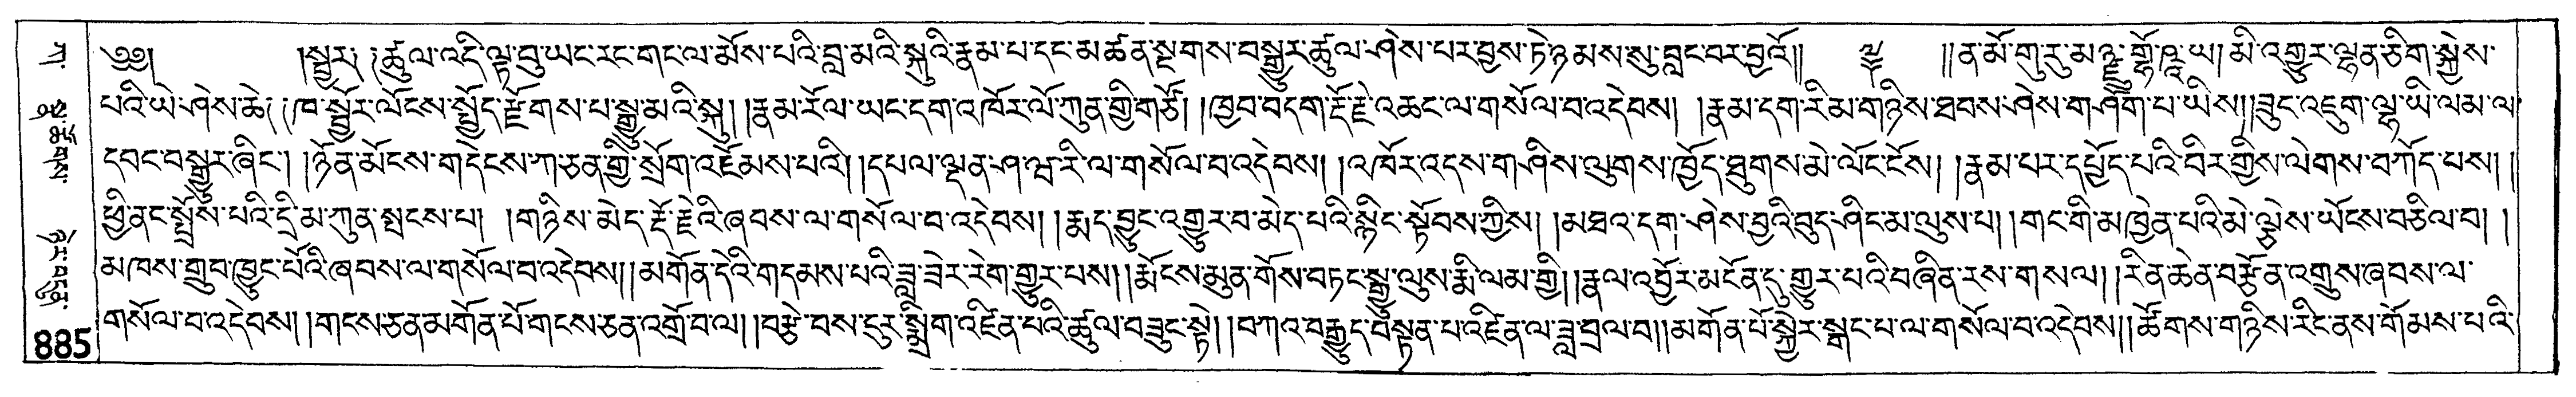༄༅། །སྦྱར། །ཚུལ་འདི་ལྟ་བུ་ཡང་རང་གང་ལ་མོས་པའི་བླ་མའི་སྐུའི་རྣམ་པ་དང་མཚན་སྔགས་བསྒྱུར་ཚུལ་ཤེས་པར་བྱས་ཏེ་ཉམས་སུ་བླང་བར་བྱའོ།། ༈ །།ན་མོ་གུ་རུ་མཉྫུ་གྷོ་ཥཱ་ཡ། མི་འགྱུར་ལྷན་ཅིག་སྐྱེས་
པའི་ཡེ་ཤེས་ཆེ། །ཁ་སྦྱོར་ལོངས་སྤྱོད་རྫོགས་པ་སྒྱུ་མའི་སྐུ། །རྣམ་རོལ་ཡང་དག་འཁོར་ལོ་ཀུན་གྱི་གཙོ། །ཁྱབ་བདག་རྡོ་རྗེ་འཆང་ལ་གསོལ་བ་འདེབས། །རྣམ་དག་རིམ་གཉིས་ཐབས་ཤེས་གཤོག་པ་ཡིས། །ཟུང་འཇུག་ལྷ་ཡི་ལམ་ལ་
དབང་བསྒྱུར་ཞིང་། །ཉོན་མོངས་གདེངས་ཀ་ཅན་གྱི་སྲོག་འཇོམས་པའི། །དཔལ་ལྡན་ཤ་ཝ་རི་ལ་གསོལ་བ་འདེབས། །འཁོར་འདས་གཤིས་ལུགས་ཁྱོད་ཐུགས་མེ་ལོང་ངོས། །རྣམ་པར་དཔྱོད་པའི་བིར་གྱིས་ལེགས་བཀོད་པས། །
ཕྱི་ནང་སྤྲོས་པའི་དྲི་མ་ཀུན་སྤངས་པ། །གཉིས་མེད་རྡོ་རྗེའི་ཞབས་ལ་གསོལ་བ་འདེབས། །རྨད་བྱུང་འགྱུར་བ་མེད་པའི་སྙིང་སྟོབས་ཀྱིས། །མཐའ་དག་ཤེས་བྱའི་བུད་ཤིང་མ་ལུས་པ། །གང་གི་མཁྱེན་པའི་མེ་ལྕེས་ཡོངས་བཅིལ་བ། །
མཁས་གྲུབ་ཁྱུང་པོའི་ཞབས་ལ་གསོལ་བ་འདེབས། །མགོན་དེའི་གདམས་པའི་ཟླ་ཟེར་རེག་གྱུར་པས། །རྨོངས་མུན་གོས་བཏང་སྒྱུ་ལུས་རྨི་ལམ་གྱི། །རྣལ་འབྱོར་མངོན་དུ་གྱུར་པའི་བཞིན་རས་གསལ། །རིན་ཆེན་བརྩོན་འགྲུས་ཞབས་ལ་
གསོལ་བ་འདེབས། །གངས་ཅན་མགོན་པོ་གངས་ཅན་འགྲོ་བ་ལ། །བརྩེ་བས་ངུར་སྨྲིག་འཛིན་པའི་ཚུལ་བཟུང་སྟེ། །བཀའ་བརྒྱུད་བསྟན་པ་འཛིན་ལ་ཟླ་བྲལ་བ། །མགོན་པོ་སྐྱེར་སྒང་པ་ལ་གསོལ་བ་འདེབས། །ཚོགས་གཉིས་རིང་ནས་གོམས་པའི་